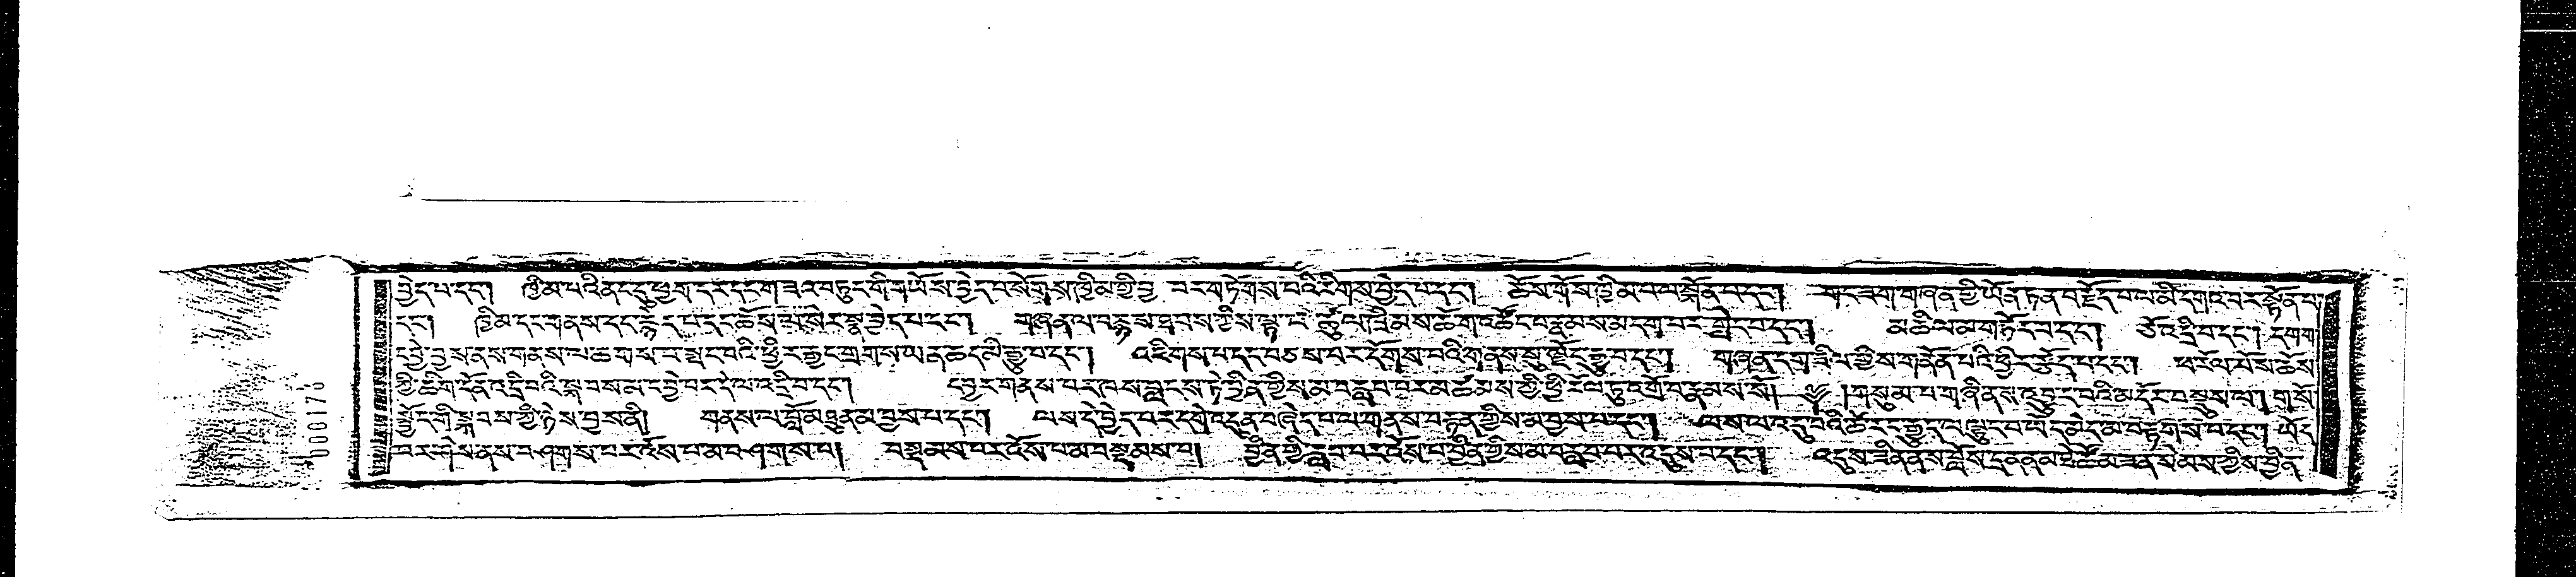བྱེད་པ་དང་། ཁྱིམ་པའི་ནང་དུ་ཕྱག་དར་དང་གཟའ་བཏུང་གི་གཡོས་བྱེད་པ་སོགས་ཁྱིམ་གྱི་བྱ་བར་གཏོགས་པའི་རིགས་བྱེད་པ་དང་། ཆོས་གོས་ཁྱིམ་པ་ལ་སྐོན་པ་དང་། གང་ཟག་གཞན་གྱི་ཡོན་ཏན་བརྗོད་པ་ལ་མི་དགའ་བར་སྟོན་པ་
དང་། ཁྱིམ་དང་གནས་དང་རྙེད་པ་དང་ཆོས་ལ་སེར་སྣ་བྱེད་པ་དང་། གཞན་ལ་བརྙས་ཐབས་ཀྱིས་ལྟ་བ་ཚུལ་ཁྲིམས་ཆོ་ག་འཚོང་བ་རྣམས་མ་དག་པར་གླེང་བ་དང་། མཆིལ་མ་གཏོར་བ་དང་། ཅོ་འདྲི་བ་དང་། དགག་
དབྱེ་བྱས་ནས་གནས་ལ་ཆགས་པ་སྤང་བའི་ཕྱིར་རྒྱང་གྲགས་ཡན་ཆད་མི་རྒྱུ་བ་དང་། འཇིགས་པ་དང་བཅས་པར་དོགས་པའི་གནས་སུ་ལྗོང་རྒྱུ་བ་དང་། གཞན་དག་ཟིལ་གྱིས་གནོན་པའི་ཕྱིར་རྩོད་པ་དང་། ཕ་རོལ་པོས་ཆོས་
ཀྱི་ཚིག་དོན་འདྲི་བའི་སྐབས་མ་དབྱེ་བར་དེ་ལ་འདྲི་བ་དང་། དབྱར་གནས་པར་ཁས་བླངས་ཏེ་བྱིན་གྱིས་མ་བརླབ་པར་མཚམས་ཀྱི་ཕྱི་རོལ་ཏུ་འགྲོ་བ་རྣམས་སོ། ༈ །གསུམ་པ་གཞི་ནས་འབྱུང་བའི་མདོར་བསྡུས་ལ། གསོ་
སྦྱོང་གི་སྐབས་ཀྱི་ཉེས་བྱས་ནི། གནས་ལ་བློ་མཐུན་མ་བྱས་པ་དང་། ལས་དེ་བྱེད་པར་དགེ་འདུན་བཞེད་པ་ལ་གནས་བརྟན་གྱིས་མ་བྱས་པ་དང་། ལས་ལ་འདུ་བའི་ཚེ་རང་རྒྱུད་ལ་ལྟུང་བ་ཡོད་མེད་མ་བརྟགས་པ་དང་། ཡོད་
པར་ཤེས་ནས་བཤགས་པར་འོས་པ་མ་བཤགས་པ། བསྡམས་པར་འོས་པ་མ་བསྡམས་པ། བྱིན་གྱི་རླབ་པར་འོས་པ་བྱིན་གྱིས་མ་བརླབ་པར་འདུས་པ་དང་། འདུས་ཟིན་ནས་བློས་དྲན་ནམ་ཐེ་ཚོམ་ཟན་སེམས་ཀྱིས་བྱིན་